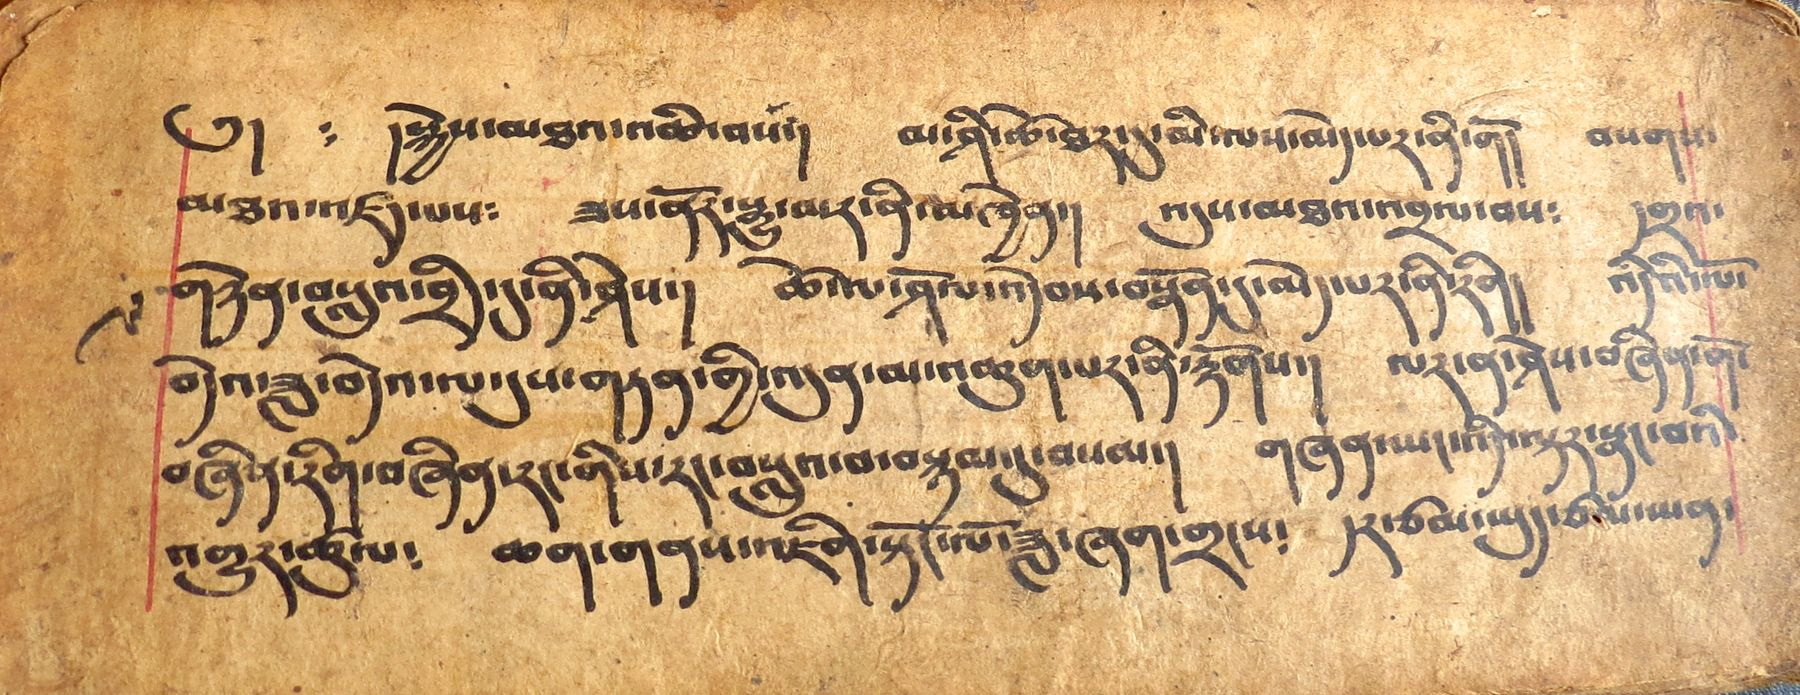སྐྱེས་མཐའ་འཆི་བས། མི་ཤི་ཚེ་ཐར་དུ་མི་ལས་མེད་པར་ནི་གོ། བསགས་
མཐའ་འཛད་པས་ཟས་ནོར་སྒྱུ་མར་ནི་མཁྱེན། འདུས་མཐའ་འབྲལ་བས་དགྲ་
གཉེན་བསླུ་བྲིད་དུ་ནི་ཤེས། ཚེ་ལ་བཤོལ་འདེབས་བསྣན་དུ་མེད་པར་ནི་རིག འདི་ཡི་ལོ་
བདེ་ཟླ་བདེ་ལ་གཏན་གྱི་འདུན་མ་འཆུག་པར་ནི་རྟོགས། ལར་ན་ཤེས་བཞིན་གོ་
བཞིན་རིག་བཞིན་རང་གིས་རང་བསླུ་བ་སྙམ་དུ་བསམ། གཞན་ཡང་འདི་ལྟར་སྣང་བའི་
འགྱུར་ཚུལ། ཆགས་གནས་འཇིག་སྟོང་ལོ་ཟླ་ཞག་གྲངས་དར་ཙམ་ཡུད་ཙམ་ཡན་